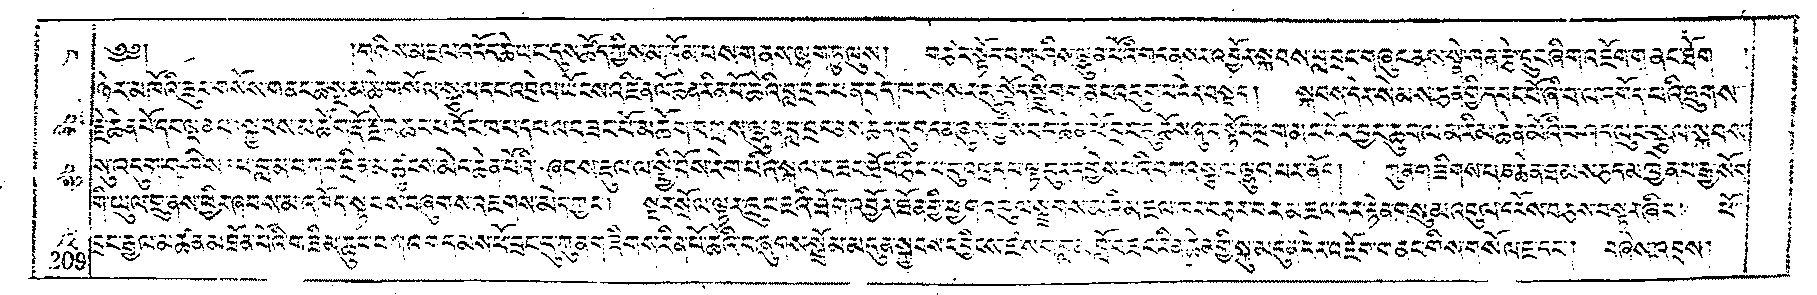༄༅། །གཉིས་མཇལ་འདོད་ཆེ་ཡང་དུས་ཚོད་ཀྱིས་མ་ཁོམ་པས་གནས་ལྷག་ཏུ་ལུས། གཙང་སྟོད་བཀྲ་ཤིས་ལྷུན་པོའི་གདན་སར་འབྱོར་སྐབས་བླ་བྲང་གཞུང་ནས་སྣེ་ཤན་རྩེ་དྲུང་ཞིག་འཇོག་གནང་ཐོག །
ཉེར་མཁོའི་ཟུར་གསོས་གནང་ཆ་སྤམ་ཆེ་གསོལ་སྩལ་དང་འབྲེལ་ཡོངས་འཛིན་ལོ་ཆེན་རིན་པོ་ཆེའི་བླ་བྲང་ཕན་བདེ་ཁང་གསར་དུ་སྡོད་སྒྲིག་གནང་འདུག་པ་དེར་བསྡད། སྐབས་དེར་སེམས་ཅན་གྱི་དབང་པོ་ཞི་བ་ལ་འགོད་པའི་ཐུགས་
རྗེ་ཆེན་པོ་དང་ལྡན་པ་༧སྐྱབས་མཆོག་རྡོ་རྗེ་འཆང་ཕ་བོང་ཁ་པ་དཔལ་བཟང་པོ་མཆོག་བཀྲས་ལྷུན་བླ་བྲང་ནས་ཆེད་དུ་གདན་ཞུས་ཀྱིས་བདེ་ཆེན་ཕོ་བྲང་དུ་ཆོས་ཞུ་བ་སྟོང་ཕྲག་མང་པོར་བྱང་ཆུབ་ལམ་རིམ་ཆེན་མོའི་བཤད་ལུང་སྩལ་སྐབས་
སུ་འདུག་གཤིས་༧ཕ་བླ་མ་བཀའ་དྲིན་མཚུངས་མེད་ཆེན་པོའི་ཞབས་རྡུལ་ལ་སྤྱི་བོས་རེག་པའི་སྐལ་བཟང་ཐོབ་ཅིང་ཕ་བུ་འཕྲད་པ་ལྟ་བུར་དགྱེས་པའི་བཀའ་སྩལ་ལྷུག་པར་ནོད། ཀུན་གཟིགས་པཎ་ཆེན་ཐམས་ཅད་མཁྱེན་པ་རྒྱ་སོག་
གི་ཡུལ་གྲུ་ནས་ཕྱིར་ཞབས་མ་འཁོད་སྟབས་བཞུགས་འཇགས་མེད་ཀྱང་། སྔར་སྲོལ་ལྟར་དྲུང་ཇའི་ཐོག་འབྱོར་ཐོན་གྱི་ཕྱག་འབུལ་སྦྲགས་མའི་མཇལ་ཁར་བཅར་བར་མཇལ་དར་རྟེན་གསུམ་འབུལ་དངོས་བཅས་བསྟར་ཞིང་། ཕོ་
བྲང་རྒྱལ་མཚན་མཐོན་པོའི་གཟིམ་ཆུང་བཀའ་གདམས་ཕོ་བྲང་དུ་ཀུན་གཟིགས་རིན་པོ་ཆེའི་བཞུགས་སྒྲོམ་མདུན་སྐྱབས་དབྱིངས་ཛ་སག་བླ་མ་བློ་བཟང་རིན་ཆེན་གྱི་སྐུ་མདུན་དེར་འཇོག་གནང་གིས་གསོལ་ཇ་དང་། བཞེས་འབྲས།